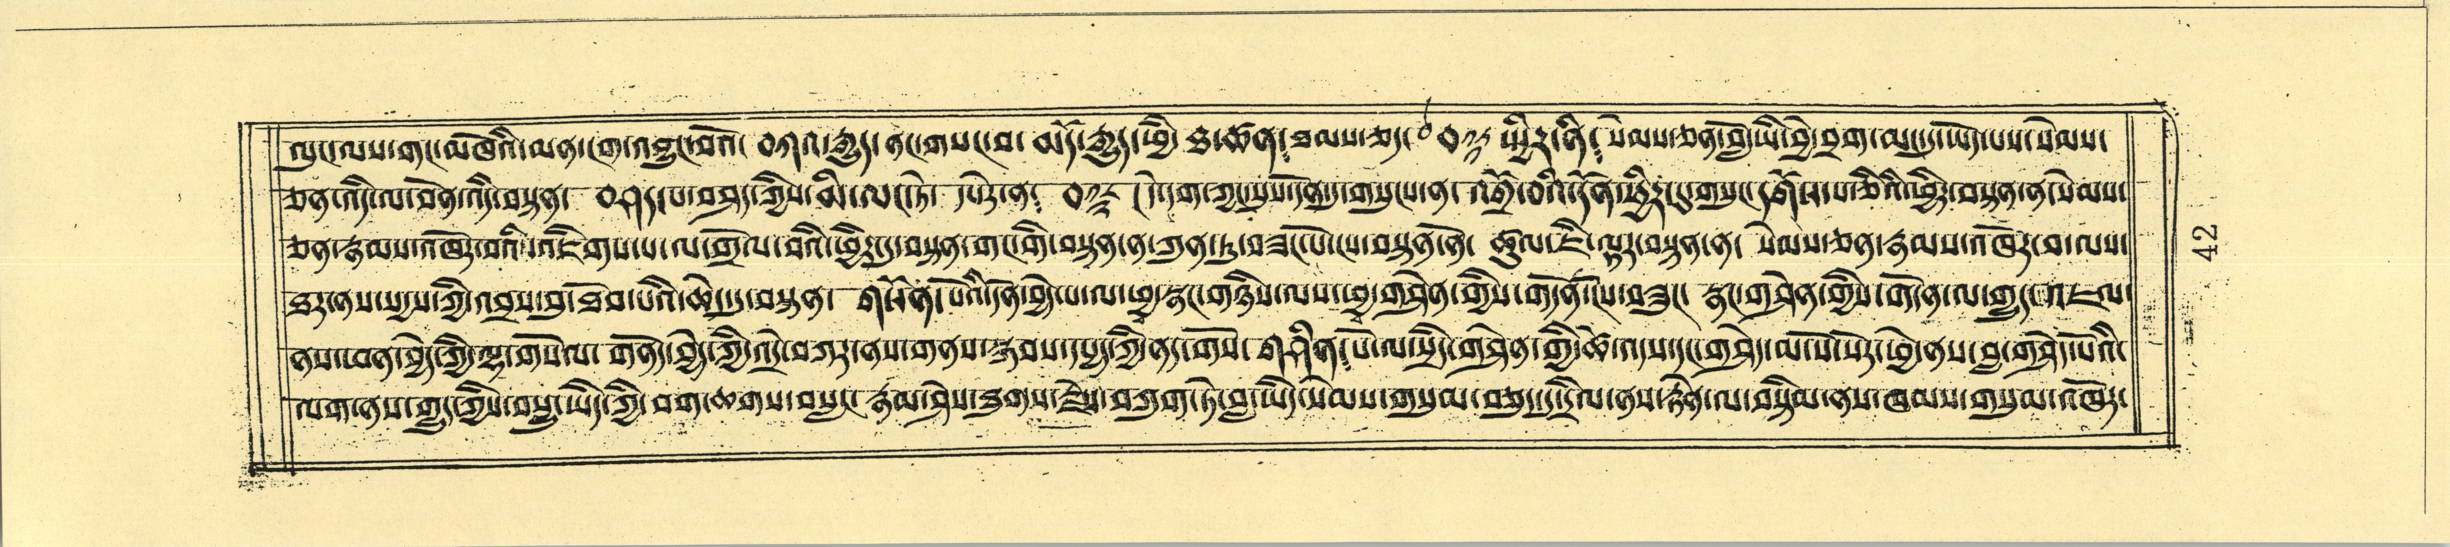ལུང་ལས་གང་མཁོའི་མན་ངག་འབྱུང་བའོ། བཀའ་བརྒྱུད་ནང་གསང་བ་མདོ་རྒྱུད་ཕྱི་ཐ་ཚན་ཐམས་ཅད་ ()བ༡༨།༡ སྤྱིར་ནི་སེམས་ཅན་བློ་ཡི་བྱེ་བྲག་མང་དུ་ཡོད་པས་སེམས་
ཅན་འདི་ལ་བོན་འདི་བསྟན་ བཤད་པབཤད་ཀྱིས་མི་ལང་༼ཏེ༽དཔེར་ན་བ༡༨།༢ དེ་དག་ཀྱང་སུས་དོན་དུ་གསུངས་ན་༼འགྲོ་བའི་དོན་ཕྱིར་དུ་༽གསུངས་༼དགོས་པ༽ཅིའི་ཕྱིར་བསྟན་ན་སེམས་
ཅན་རྣམས་འཁོར་བའི་འཇིགས་པ་ལས་གྲོལ་བའི་ཕྱིར་དུ་བསྟན་གང་གི་བསྟན་ན་ཀུན་ཏུ་བཟང་པོ་ངས་བསྟན་ནོི། ཚུལ་ཇི་ལྟར་བསྟན་ན། སེམས་ཅན་རྣམས་འཁོར་བ་ལས་
ཐར་ནས་སངས་རྒྱས་ཀྱི་འབྲས་བུ་ཐོབ་པའི་ཆེད་དུ་བསྟན་ ༼གསོན༽པོའི་དོན་བྱེད་པ་ལ་ཕྱྭ་སྣང་གཉིས་ལས་ཕྱྭ་གཤེན་གྱིས་གདོན་ངོས་བཟུང་། སྣང་གཤེན་གྱིས་གདོན་ལ་གླུད་འཇལ་
ནས་ཕན་བྱེད་ཀྱི་ལྷ་གསོལ། གནོད་བྱེད་ཀྱི་འདྲེ་བཀར་ནས་གནས་སྐབས་དཔྱད་ཀྱི་ནད་གསོ་ ༼གཤིན་པོ༽ལ་སྲིད་གཤེན་གྱི་ཚེ་འདས་དང་གཤེད་མ་སོ་སོར་ཕྱེ་ནས་བླ་གཤེད་པོའི་
ལག་ནས་གླུད་ཀྱིས་བསླུ་ཡིད་ཀྱི་བག་ཆགས་བསླང་། རྣམ་ཤེས་ཐུགས་རྗེས་བཀུག་སྟེ་བླ་ཡིད་སེམས་གསུམ་བཅུད་དུ་དྲིལ་ནས་རྟེན་ལ་བསྟིམ་ནས་ཁམས་གསུམ་འཁོར་